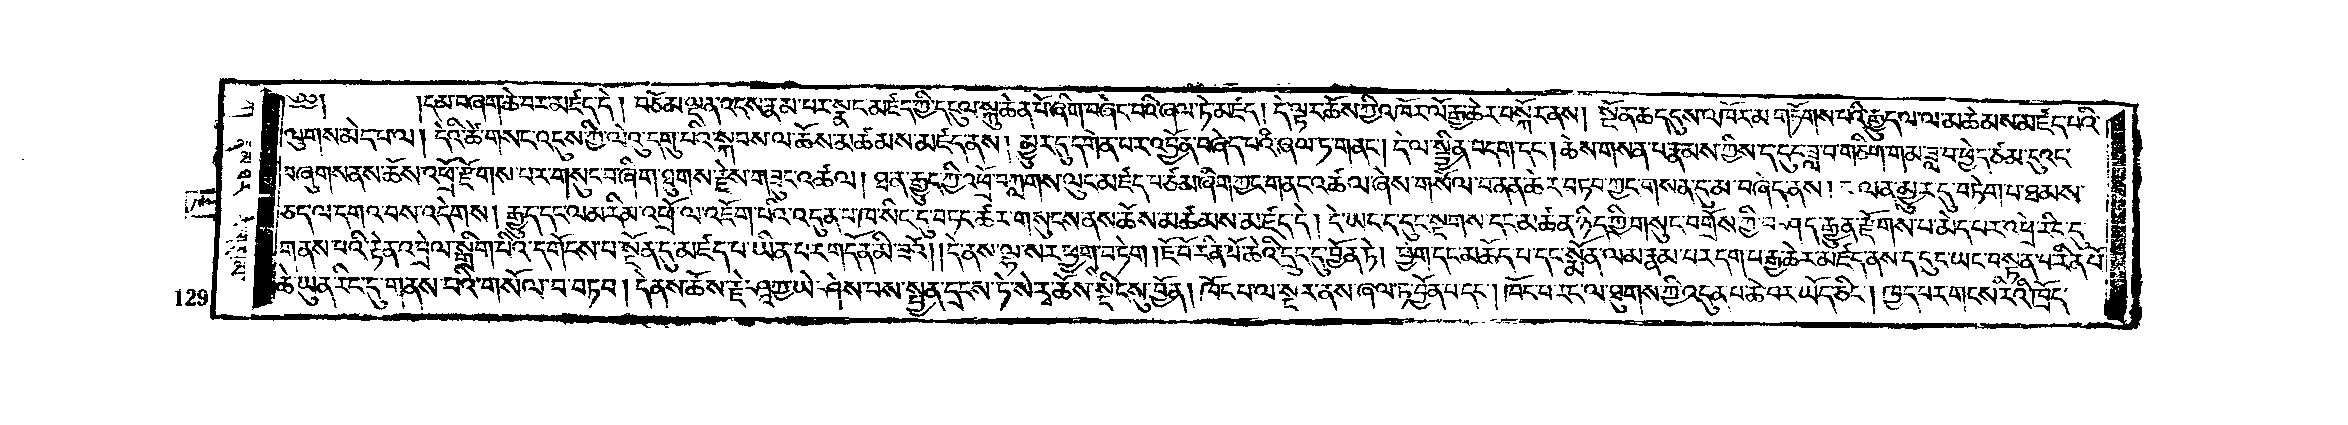༄༅། །དམ་བཞག་ཆེ་བར་མཛད་དེ། བཅོམ་ལྡན་འདས་རྣམ་པར་སྣང་མཛད་ཀྱི་དངུལ་སྐུ་ཆེན་པོ་ཞིག་བཞེང་བའི་ཞལ་ཏེ་མཛད། དེ་ལྟར་ཆོས་ཀྱི་འཁོར་ལོ་རྒྱ་ཆེར་བསྐོར་ནས། སྔོན་ཆད་དུས་འཁོར་མ་གཏོགས་པའི་རྒྱུད་ལ་ལ་མཚམས་མཛད་པའི་
ལུགས་མེད་པ་ལ། དེའི་ཚེ་གསང་འདུས་ཀྱི་ལེའུ་དགུ་པའི་སྐབས་ལ་ཆོས་མཚམས་མཛད་ནས། མྱུར་དུ་དགེན་པར་འབྱོན་བཞེད་པའི་ཞལ་ཏ་གནང་། དེ་ལ་སྦྱིན་བདག་དང་། ཆེས་གསན་པ་རྣམས་ཀྱིས་ད་དུང་ཟླ་བ་གཅིག་གམ་ཟླ་བ་ཕྱེད་ཙམ་དུའང་
བཞུགས་ནས་ཆོས་འཕྲོ་རྫོགས་པར་གསུང་བ་ཞིག་ཐུགས་རྗེས་གཟུང་འཚལ། ཐ་ན་རྒྱུད་ཀྱི་འཕྲོ་བཀླགས་ལུང་མཛད་པ་ཙམ་ཞིག་ཀྱང་གནང་འཚལ་ཞེས་གསོལ་བ་ནན་ཆེར་བཏབ་ཀྱང་གསན་དུ་མ་བཞེད་ནས། ང་ལན་མྱུར་དུ་བཏེག་པ་ཐམས་
ཅད་ལ་དགའ་བས་འདེགས། རྒྱུད་དང་ལམ་རིམ་འཕྲོ་ལ་འཇོག་པའི་འདུན་པ་ཁ་སིང་དུ་བཏང་ཚར་གསུངས་ནས་ཆོས་མཚམས་མཛད་དེ། དེ་ཡང་ད་དུང་སྔགས་དང་མཚན་ཉིད་ཀྱི་གསུང་བགྲོས་ཀྱི་བཤད་རྒྱུན་རྫོགས་པ་མེད་པར་འཕྲེ་རིང་དུ་
གནས་པའི་རྟེན་འབྲེལ་སྒྲིག་པའི་དགོངས་པ་སྔོན་དུ་མཛད་པ་ཡིན་པར་གདོན་མི་ཟའོ། །དེ་ནས་ལྷ་སར་ཕྱག་བཏེག །ཇོ་བོ་རིན་པོ་ཆེའི་དྲུང་དུ་བྱོན་ཏེ། ཕྱག་དང་མཆོད་པ་དང་སྨོན་ལམ་རྣམ་པར་དག་པ་རྒྱ་ཆེར་མཛད་ནས་ད་དུང་ཡང་བསྟན་པ་རིན་པོ་
ཆེ་ཡུན་རིང་དུ་གནས་པའི་གསོལ་བ་བཏབ། དེ་ནས་ཆོས་རྗེ་ཤཱཀྱ་ཡེ་ཤེས་པས་སྤྱན་དྲངས་ཏེ་སེ་རྭ་ཆོས་སྡིངས་སུ་བྱོན། ཁོང་པ་ལ་སྔར་ནས་ཞལ་ཏ་བྱོན་པ་དང་། ཁོང་པ་རང་ལ་ཐུགས་ཀྱི་འདུན་པ་ཆེ་བར་ཡོད་ཅིང་། ཁྱད་པར་གངས་རིའི་ཁྱོད་